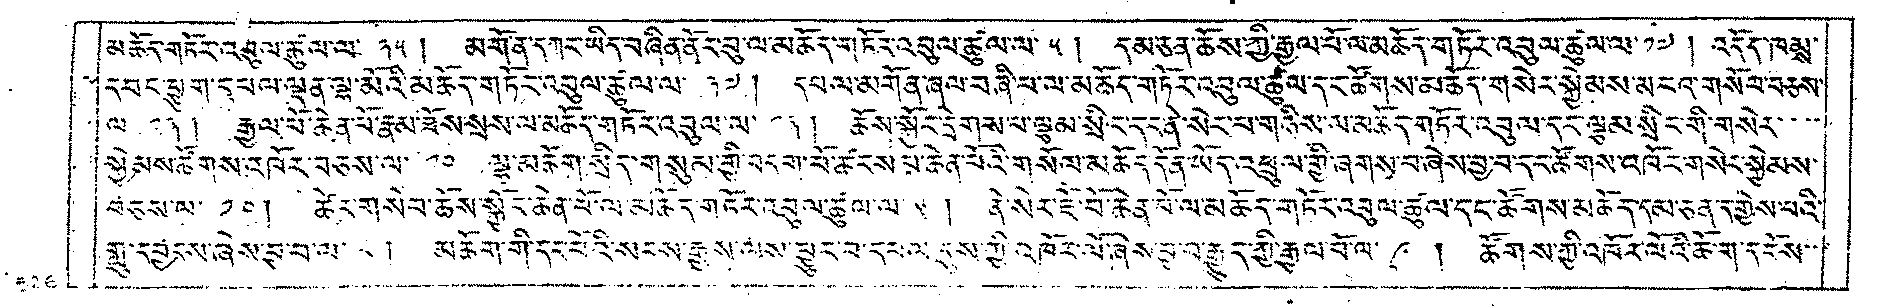མཆོད་གཏོར་འབུལ་ཚུལ་ལ ༢༥། མགོན་དཀར་ཡིད་བཞིན་ནོར་བུ་ལ་མཆོད་གཏོར་འབུལ་ཚུལ་ལ ༥། དམ་ཅན་ཆོས་ཀྱི་རྒྱལ་པོ་ལ་མཆོད་གཏོར་འབུལ་ཚུལ་ལ ༡༧། འདོད་ཁམས་
དབང་ཕྱུག་དཔལ་ལྡན་ལྷ་མོའི་མཆོད་གཏོར་འབུལ་ཚུལ་ལ ༢༧། དཔལ་མགོན་ཞལ་བཞི་པ་ལ་མཆོད་གཏོར་འབུལ་ཚུལ་དང་ཚོགས་མཆོད་གསེར་སྐྱེམས་མངའ་གསོལ་བཅས་
ལ ༡༣། རྒྱལ་པོ་ཆེན་པོ་རྣམ་ཐོས་སྲས་ལ་མཆོད་གཏོར་འབུལ་ལ ༡༣། ཆོས་སྐྱོང་དྲེགས་པ་ལྕམ་སྲིང་དང་ནེ་སེར་པ་གཉིས་ལ་མཆོད་གཏོར་འབུལ་དང་ལྕམ་སྲིང་གི་གསེར་
སྐྱེམས་ཚོགས་འཁོར་བཅས་ལ ༡༠། ལྷ་མཆོག་སྲིད་གསུམ་གྱི་བདག་པོ་ཚངས་པ་ཆེན་པོའི་གསོལ་མཆོད་དོན་ཡོད་འཕྲུལ་གྱི་ཞགས་པ་ཞེས་བྱ་བ་དང་ཚོགས་འཁོར་གསེར་སྐྱེམས་
བཅས་ལ ༡༠། ཚེར་གསེབ་ཆོས་སྐྱོང་ཆེན་པོ་ལ་མཆོད་གཏོར་འབུལ་ཚུལ་ལ ༤། ནེ་སེར་ཇོ་བོ་ཆེན་པོ་ལ་མཆོད་གཏོར་འབུལ་ཚུལ་དང་ཚོགས་མཆོད་དམ་ཅན་དགྱེས་པའི་
གླུ་དབྱངས་ཞེས་བྱ་བ་ལ ༨། མཆོག་གི་དང་པོའི་སངས་རྒྱས་ལས་ཕྱུང་བ་དཔལ་དུས་ཀྱི་འཁོར་ལོ་ཞེས་བྱ་བ་རྒྱུད་ཀྱི་རྒྱལ་པོ་ལ ༩། ཚོགས་ཀྱི་འཁོར་ལོའི་ཆོ་ག་དངོས་